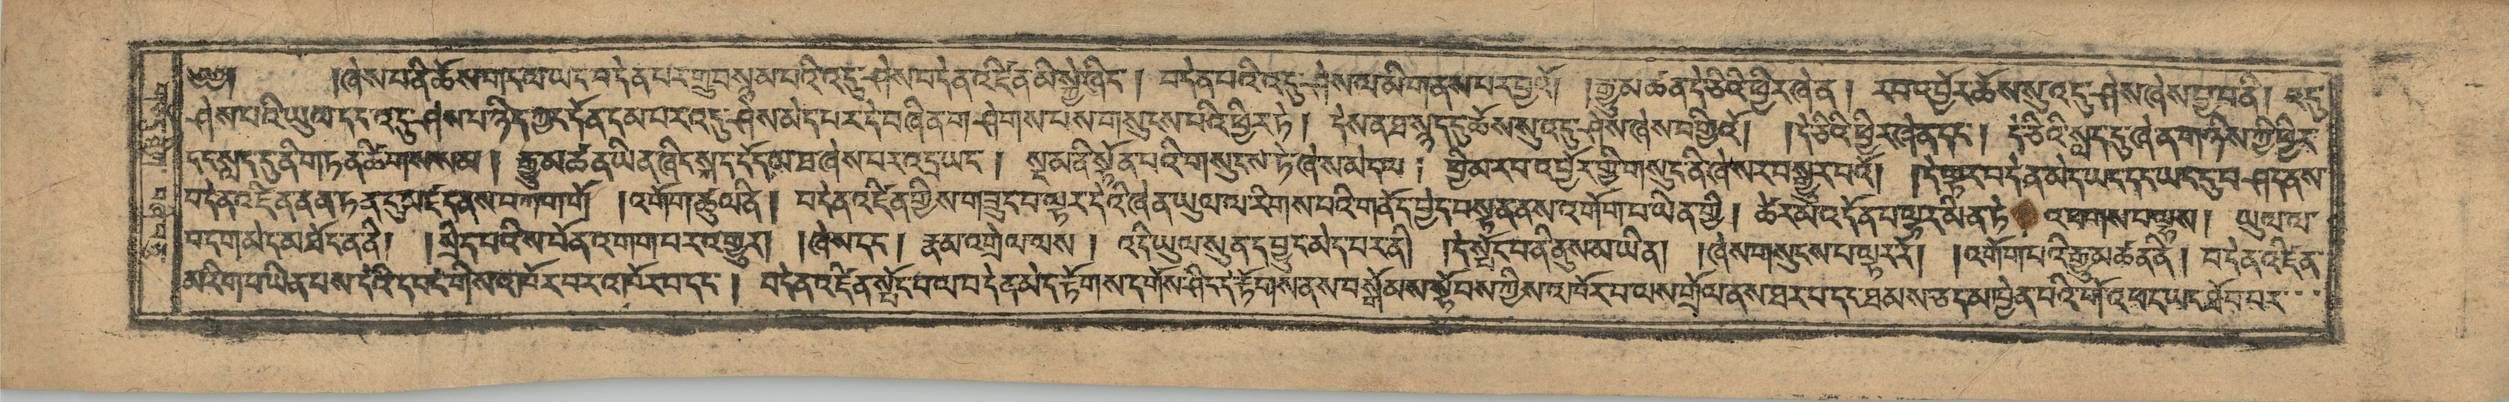༄༅། །ཞེས་པ་ནི་ཆོས་གང་ལ་ཡང་བདེན་པར་གྲུབ་སྙམ་པའི་འདུ་ཤེས་བདེན་འཛིན་མི་སྐྱེ་ཞིང་། བདེན་པའི་འདུ་ཤེས་ལ་མི་གནས་པར་བྱའོ། །རྒྱུ་མཚན་དེ་ཅིའི་ཕྱིར་ཞེ་ན། རབ་འབྱོར་ཆོས་སུ་འདུ་ཤེས་ཞེས་བྱ་བ་ནི། འདུ་
ཤེས་པའི་ཡུལ་དང་འདུ་ཤེས་པ་ཉིད་ཀྱང་དོན་དམ་པར་འདུ་ཤེས་མེད་པར་དེ་བཞིན་གཤེགས་པས་གསུངས་པའི་ཕྱིར་ཏེ། དེས་ན་ཐ་སྙད་དུ་ཆོས་སུ་འདུ་ཤེས་ཞེས་བགྱིའོ། །དེ་ཅིའི་ཕྱིར་ཞེ་ན་དང་། དེ་ཅིའི་སླད་དུ་ཞེ་ན་གཉིས་ཀྱི་ཕྱིར་
དང་སླད་དུ་ནི་གཏན་ཚིགས་སམ། རྒྱུ་མཚན་ཡིན་ཞིང་སྐད་དོད་ཨ་ཐ་ཞེས་པར་འདྲ་ཡང་། སྔ་མ་ནི་སྟོན་པའི་གསུངས་ཏེ་ཞེ་ས་མེད་ལ། ཕྱི་མ་རབ་འབྱོར་གྱི་གསུང་ནི་ཞེ་སར་བསྒྱུར་བའོ། །དེ་ལྟར་བདེན་མེད་ཡང་དང་ཡང་དུ་བཤད་ནས་
བདེན་འཛིན་ནན་ཏན་དུ་མཛད་ནས་བཀག་གོ །འགོག་ཚུལ་ནི། བདེན་འཛིན་གྱིས་གཟུང་བ་ལྟར་དེའི་ཞེན་ཡུལ་ལ་རིགས་པའི་གནོད་བྱེད་བསྟན་ནས་འགོག་པ་ཡིན་གྱི། ཚེར་མ་འདོན་པ་ལྟར་མིན་ཏེ། འཕགས་པ་ལྷས། ཡུལ་ལ་
བདག་མེད་མཐོང་ན་ནི། །སྲིད་པའི་ས་བོན་འགག་པར་འགྱུར། །ཞེས་དང་། རྣམ་འགྲེལ་ལས། འདི་ཡུལ་སུན་དབྱུང་མེད་པར་ནི། །དེ་སྟོང་བ་ནི་ནུས་མ་ཡིན། །ཞེས་གསུངས་པ་ལྟར་རོ། །འགོག་པའི་རྒྱུ་མཚན་ནི། བདེན་འཛིན་
མ་རིག་པ་ཡིན་པས་དེའི་དབང་གིས་འཁོར་བར་འཁོར་བ་དང་། བདེན་འཛིན་སྤོང་བ་ལ་བདེན་མེད་རྟོགས་དགོས་ཞིང་འདི་རྟོགས་ནས་བསྒོམས་སྟོབས་ཀྱིས་འཁོར་བ་ལས་གྲོལ་ནས་ཐར་པ་དང་ཐམས་ཅད་མཁྱེན་པའི་གོ་འཕང་ཡང་ཐོབ་པར་